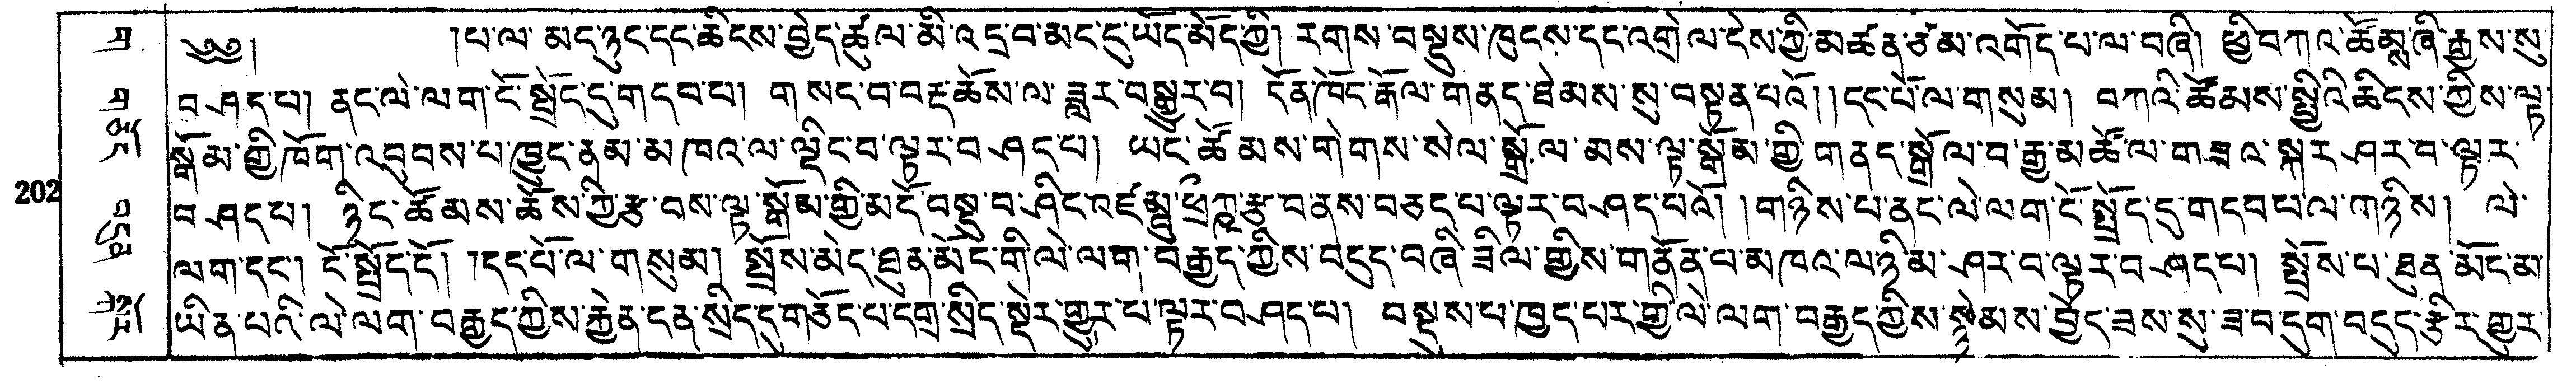༄༅། །པ་ལ་མང་ཉུང་དང་ཆིངས་བྱེད་ཚུལ་མི་འདྲ་བ་མང་དུ་ཡོད་མོད་ཀྱི། རགས་བསྡུས་ཁུངས་དང་འགྲེལ་ངེས་ཀྱི་མཚན་ཙམ་འགོད་པ་ལ་བཞི། ཕྱི་བཀའ་ཚོམས་ཞི་རྒྱས་སུ་
བཤད་པ། ནང་ལེ་ལག་ངོ་སྤྲོད་དུ་གདབ་པ། གསང་བ་བརྡ་ཆོས་ལ་ཟླར་བསྒྱུར་བ། དོན་ཁོང་རྒོལ་གནད་ཐེམས་སུ་བསྟན་པའོ། །དང་པོ་ལ་གསུམ། བཀའི་ཚོམས་སྤྱིའི་ཆིངས་ཀྱིས་ལྟ་
སྒོམ་གྱི་ཁོག་འབུབས་པ་ཁྱུང་ནམ་མཁའ་ལ་ལྡིང་བ་ལྟར་བཤད་པ། ཡང་ཚེམས་གེགས་སེལ་སྒྲོན་མས་ལྟ་སྒོམ་གྱི་གནད་སྒྲོལ་ལ་རྒྱ་མཚོ་ལ་གཟའ་སྐར་ཤར་བ་ལྟར་
བཤད་པ། ཉིང་ཚོམས་ཆོས་ཀྱི་རྩ་བས་ལྟ་སྒོམ་གྱི་མདོ་བསྡུ་བ་ཤིང་འཛམ་བུ་ཕྲྀཀྵ་རྩ་བ་ནས་བཅད་པ་ལྟར་བཤད་པའོ། །གཉིས་པ་ནང་ལེ་ལག་ངོ་སྤྲོད་དུ་གདབ་པ་ལ་གཉིས། ལེ་
ལག་དང་། ངོ་སྤྲོད་དོ། །དང་པོ་ལ་གསུམ། སྤྲོས་མེད་ཐུན་མོང་གི་ལེ་ལག་བརྒྱད་ཀྱིས་བདུད་བཞི་ཟིལ་གྱིས་གནོན་པ་མཁའ་ལ་ཉི་མ་ཤར་བ་ལྟར་བཤད་པ། སྤྲོས་པ་ཐུན་མོང་མ་
ཡིན་པའི་ལེ་ལག་བརྒྱད་ཀྱིས་རྐྱེན་ངན་སྲིད་དུ་གཅོད་པ་དགྲ་སྲིད་སྡེར་གྱུར་པ་ལྟར་བཤད་པ། བསྡུས་པ་ཁྱད་པར་གྱི་ལེ་ལག་བརྒྱད་ཀྱིས་སྙེམས་བྱེད་ཟས་སུ་ཟ་བ་དུག་བདུད་རྩིར་གྱུར་